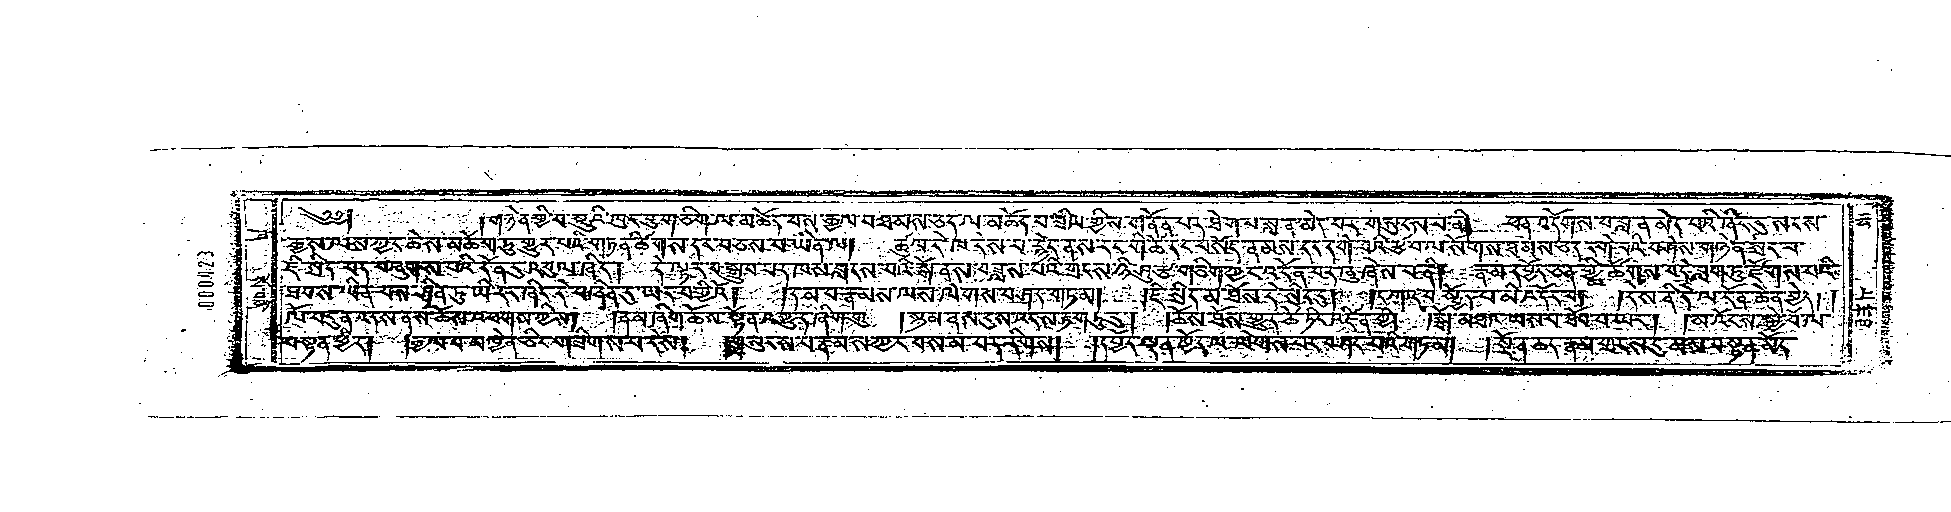༄༅། །གཉེན་གྱི་བ་སྡུའི་ཁུང་བུ་གཅིག་ལ་མཆེན་བས་རྒྱལ་བ་ཐམས་ཅད་ལ་མཆེད་བ་ཟིལ་གྱིས་གནོན་པར་ཐེག་པ་སླན་མེད་པར་གསུངས་པ་ནི། ཕན་འདོགས་པ་བླ་ན་མེད་པའི་ཞིང་དུ་སངས་
རྒྱས་ལས་ཀྱང་ཆེས་མཆོག་ཏུ་གྱུར་པའི་གཏན་ཚིགས་དང་བཅས་པ་ཡིན་ལ། ཚུལ་དེ་ལ་དེས་པ་རྙེད་ནས་རང་གི་ཚེ་དང་བསོད་ནམས་དང་དགེ་བའི་རྩ་བ་ལ་སོགས་ཐམས་ཅད་དགེ་བའི་བཤེས་གཉེན་སྲིད་པ་
ཇི་སྲིད་བར་བཞུགས་པའི་དོན་དུ་འབུལ་ཞིང་། དེ་ལྟར་བསྒྲུབ་པར་ཁས་བླངས་པའི་སྒོ་ནས་བཟླས་པའི་གྲངས་ཉི་ཤུ་རྩ་གཅིག་ཀྱང་འདོན་པར་ཞུ་ཞེས་པ་ནི། རྣམ་དབྱོད་ཅན་གྱི་ཚོགས་བདེ་བླག་ཏུ་རྫོགས་པའི་
ཐབས་ཡིན་པས་ཤིན་ཏུ་ཡི་རང་ཞིང་དེ་བཞིན་དུ་ཡང་བགྱིའོ། །དམ་བ་རྣམས་ལས་ལེགས་བཤད་གཏམ། །ཇི་སྲིད་མ་ཐོས་དེ་སྲིད་དུ། །དཀའ་བ་སྤྱོད་པ་མི་འདོད་བ། །དེས་ནི་དེ་ལ་དོན་ཆེན་བྱེད། །
ལོ་བདུན་འདས་ནས་ཆོས་འཕགས་ཀྱིས། །ནམ་ཞིག་ཆོས་སྟོན་འགྱུར་ཞིག་གུ །སྙམ་ནས་དུས་འདས་རྟག་ཏུ་དུ། །ཆོས་ཐོས་གྱུར་ཚེ་ཏིང་འཛིན་གྱི། །སྒོ་མཐའ་ཡས་པ་ཐོབ་པ་ཡང་། །མ་འོངས་སྐྱེ་བོ་ལ་
བསྟན་ཕྱིར། །རྒྱལ་བ་མཁྱེན་ཅིང་གཟིགས་པ་དེས། །གསུངས་པ་རྣམས་ཀྱང་བསམ་པར་རིགས། །དབྱོད་ལྡན་ཁྱོད་ལ་ལེགས་པར་བཤད་པའི་གཏམ། །སྔོན་ཆད་རྣམ་གྲངས་དུ་མས་བསྟན་མོད་